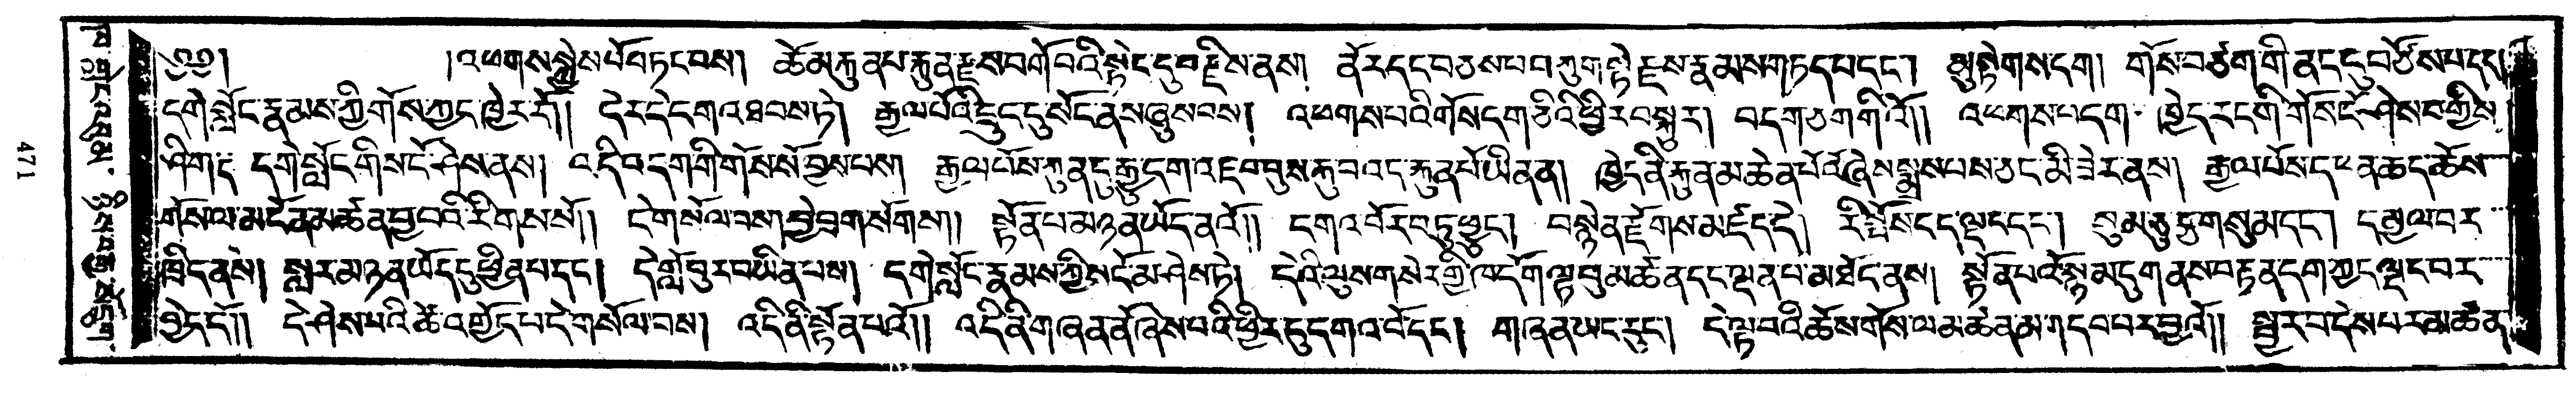༄༅། །འཕགས་སྐྱེས་པོ་བཏང་བས། ཆོམ་རྐུན་པ་རྐུན་རྫས་བགོ་བའི་སྟེང་དུ་བརྫིས་ནས། ནོར་དང་བཅས་པ་བཀུག་སྟེ་རྫས་རྣམས་གཏད་པ་དང་། མུ་སྟེགས་དག། གོས་བཙག་གི་ནང་དུ་བཙོས་པ་དང་།
དགེ་སློང་རྣམས་ཀྱི་གོས་ཀྱང་ཁྱེར་རོ།། དེར་དེ་དགའ་ཐབས་ཏེ། རྒྱལ་པོའི་དྲུང་དུ་སོང་ནས་ཞུས་བས། འཕགས་པའི་གོས་དག་ཅིའི་ཕྱིར་བསྐུར། བདག་ཅག་གིའོ།། འཕགས་པ་དག་ཁྱེད་རང་གི་གོས་ངོ་ཤེས་བགྱིས་
ཤིག༑ དགེ་སློང་གིས་ངོ་ཤེས་ནས། འདི་བདག་གི་གོས་སོ་བྱས་པས། རྒྱལ་པོས་ཀུན་དུ་རྒྱུ་དག་འཇབ་བུས་རྐུ་བའང་རྐུན་པོ་ཡིན་ན། ཁྱེད་ནི་རྐུན་མ་ཆེན་པོའོ་ཞེས་སྨྲས་པས་ཅང་མི་ཟེར་ནས། རྒྱལ་པོས་ད་ཕན་ཆད་ཆོས་
གོས་ལ་མངོན་མཚན་བྱ་བའི་རིགས་སོ།། དེ་གསོལ་བས། བྱེ་བྲག་སོགས།། སྟོན་པ་མཉན་ཡོད་ནའོ།། དགའ་བོ་རབ་ཏུ་ཕྱུང་། བསྙེན་རྫོགས་མཛད་དེ། རི་སྤོས་ངད་ལྡང་དང་། སུམ་ཅུ་རྩ་གསུམ་དང་། དམྱལ་བར་
ཁྲིད་ནས། སླར་མཉན་ཡོད་དུ་ཕྱིན་པ་དང་། དེ་གློ་བུར་བ་ཡིན་པས། དགེ་སློང་རྣམས་ཀྱིས་ངོ་མ་ཤེས་ཏེ། དེའི་ལུས་གསེར་གྱི་ཁ་དོག་ལྟ་བུ་མཚན་དང་ལྡན་པ་མཐོང་ནས། སྟོན་པའོ་སྙམ་དུ་གནས་བརྟན་དག་ཀྱང་ལྡང་བར་
བྱེད་དོ།། དེ་ཤེས་པའི་ཚེ་འགྱོད་པ་དེ་གསོལ་བས། འདི་ནི་སྟོན་པའོ།། འདི་ནི་གཞན་ནོ་ཞེས་པའི་ཕྱིར་དུ་དགའ་བོ་དང་། གཞན་ཡང་རུང་། དེ་ལྟ་བའི་ཆོས་གོས་ལ་མཚན་མ་གདབ་པར་བྱའོ།། སྦྱར་བ་དེས་པར་མཚན་